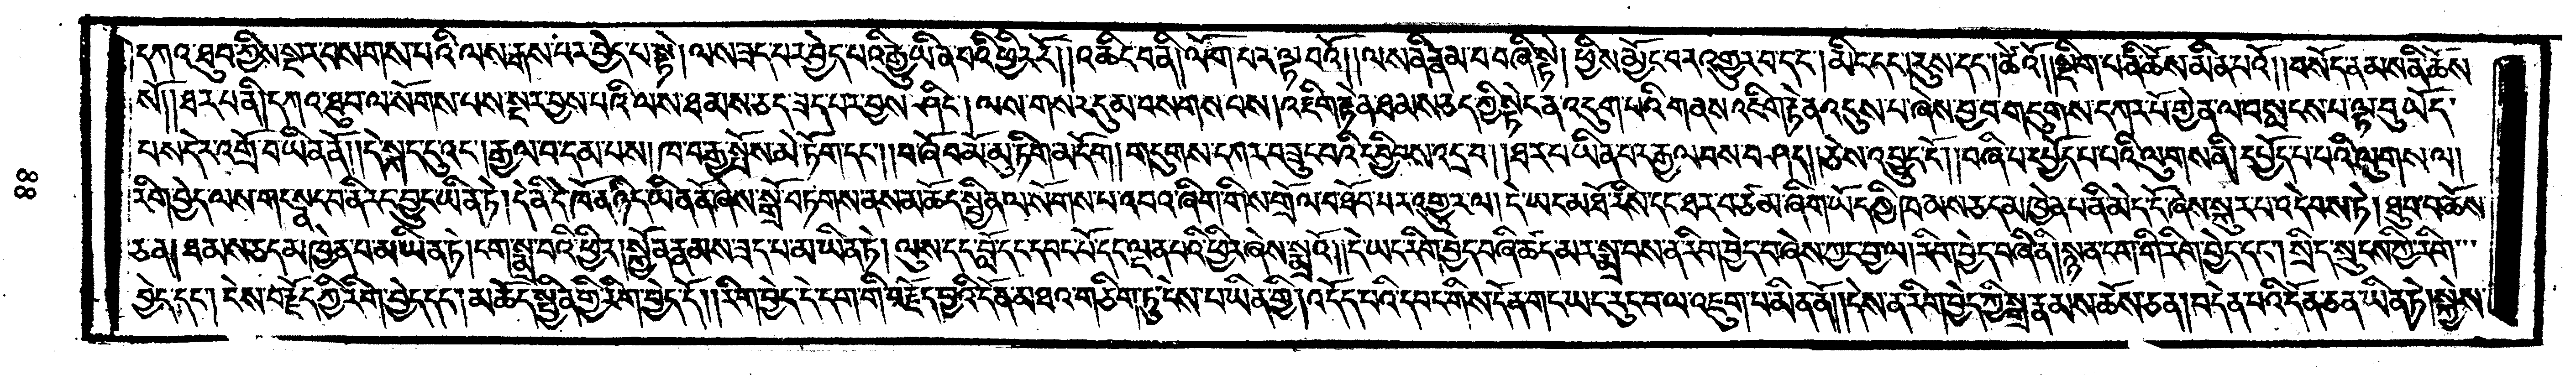དཀའ་ཐུབ་ཀྱིས་སྔར་བསགས་པའི་ལས་རྒས་པར་བྱེད་པ་སྟེ། ལས་ཟད་པར་བྱེད་པའི་རྒྱུ་ཡིན་པའི་ཕྱིར་རོ། །འཆིང་བ་ནི། ལོག་པར་ལྟ་བའོ། །ལས་ནི་རྣམ་པ་བཞི་སྟེ། ཕྱིས་མྱོང་བར་འགྱུར་བ་དང་། མིང་དང་། རུས་དང་། ཚེའོ། །སྡིག་པ་ནི་ཆོས་མིན་པའོ། །བསོད་ནམས་ནི་ཆོས་
སོ། །ཐར་པ་ནི། དཀའ་ཐུབ་ལ་སོགས་པས་སྔར་བྱས་པའི་ལས་ཐམས་ཅད་ཟད་པར་བྱས་ཤིང་། ལས་གསར་དུ་མ་བསགས་པས། འཇིག་རྟེན་ཐམས་ཅད་ཀྱི་སྟེང་ན་འདུག་པའི་གནས་འཇིག་རྟེན་འདུས་པ་ཞེས་བྱ་བ་གདུགས་དཀར་པོ་གྱེན་ལ་བསླངས་པ་ལྟ་བུ་ཡོད་
པས་དེར་འགྲོ་བ་ཡིན་ནོ། །དེ་སྐད་དུའང་། རྒྱལ་བ་དམ་པས། ཁ་བ་རྒྱ་སྤོས་མེ་ཏོག་དང་། །བཞོ་བ་མོ་མུ་ཏིག་མདོག །གདུགས་དཀར་བཟུང་བའི་དབྱིབས་འདྲ་བ། །ཐར་པ་ཡིན་པར་རྒྱལ་བས་བཤད། །ཅེས་འབྱུང་ངོ། །བཞི་པ་དཔྱོད་པ་པའི་ལུགས་ནི། དཔྱོད་པ་པའི་ལུགས་ལ།
རིག་བྱེད་ལས་གང་སྣང་བ་ནི་རང་བྱུང་ཡིན་ཏེ། དེ་ནི་དེ་ཁོ་ན་ཉིད་ཡིན་ནོ་ཞེས་སྒྲོ་བཏགས་ནས་མཆོད་སྦྱིན་ལ་སོགས་པ་འབའ་ཞིག་གིས་གྲོལ་བ་ཐོབ་པར་འགྱུར་ལ། དེ་ཡང་མཐོ་རིས་དང་ཐར་པ་ཙམ་ཞིག་ཡོད་ཀྱི། ཐམས་ཅད་མཁྱེན་པ་ནི་མེད་དོ་ཞེས་སྐུར་པ་འདེབས་ཏེ། ཐུབ་པ་ཆོས་
ཅན། ཐམས་ཅད་མཁྱེན་པ་མ་ཡིན་ཏེ། ངག་སྨྲ་བའི་ཕྱིར། སྐྱོན་རྣམས་ཟད་པ་མ་ཡིན་ཏེ། ལུས་དང་བློ་དང་དབང་པོ་དང་ལྡན་པའི་ཕྱིར་ཞེས་སྨྲའོ། །དེ་ཡང་རིག་བྱེད་བཞི་ཚད་མར་སྨྲ་བས་ན་རིག་བྱེད་བ་ཞེས་ཀྱང་བྱ་ལ། རིག་བྱེད་བཞི་ནི། སྙན་ངག་གི་རིག་བྱེད་དང་། སྲེད་སྲུངས་ཀྱི་རིག་
བྱེད་དང་། ངེས་བརྗོད་ཀྱི་རིག་བྱེད་དང་། མཆོད་སྦྱིན་གྱི་རིག་བྱེད་དོ། །རིག་བྱེད་དེ་དག་གི་བརྗོད་བྱའི་དོན་མཐའ་གཅིག་ཏུ་ངེས་པ་ཡིན་གྱི། འདོད་པའི་དབང་གིས་དོན་གང་ཡང་རུང་བ་ལ་འཇུག་པ་མིན་ནོ། །དེས་ན་རིག་བྱེད་ཀྱི་སྒྲ་རྣམས་ཆོས་ཅན། བདེན་པའི་དོན་ཅན་ཡིན་ཏེ། སྐྱེས་